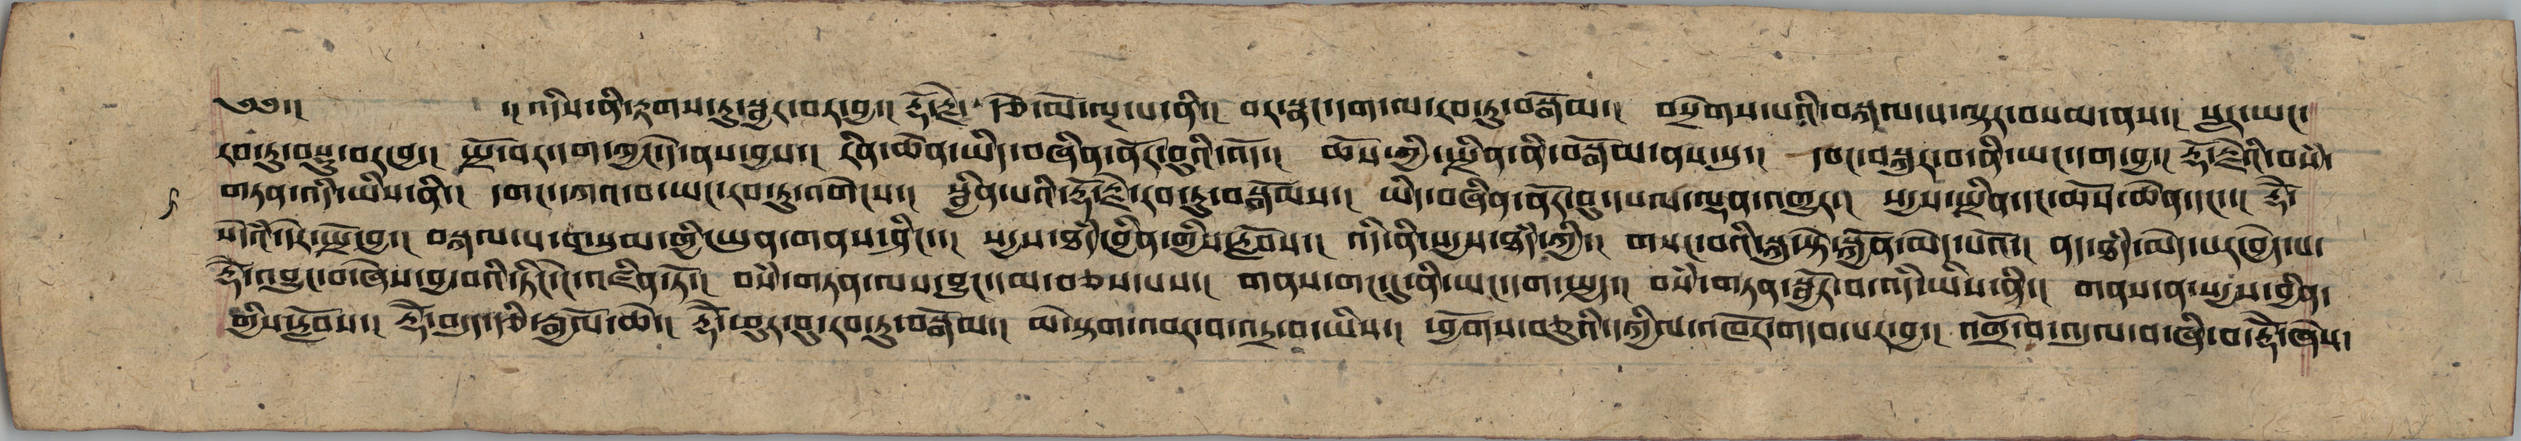༄༅་། ་།འདིས་ནི་རྟགས་ཏུ་སྦྱར་བར་བྱ་། རྡོ་རྗེ་ རྩེ་མོ་ལྔ་པ་ནི་། བར་སྣང་དག་ལ་རབ་ཏུ་བསྒོམ་། བསྲེགས་པའི་བསྐལ་པ་ལྟར་བསམ་ནས་། སླར་ཡང་
རབ་ཏུ་བསྡུ་བར་བྱ་། སྤྲོ་བར་དག་ཀྱང་དེ་ནས་བྱས་། རིན་ཆེན་ཡིད་བཞིན་ནོར་བུའི་འོད་། ཆོས་ཀྱི་སྤྲིན་ནི་བསྒོམ་ནས་སུ་། དབང་བསྐུར་བ་ནི་ཡང་དག་བྱ་། རྡོ་རྗེའི་བསཾ་
གཏན་འདི་ཡིས་ནི་། དགང་དཀའ་བ་ཡང་རབ་ཏུ་འགེངས་། སྦྱིན་པའི་རྡོ་རྗེ་རབ་ཏུ་བསྒོམས་། ཡིད་བཞིན་ནོར་བུ་དཔལ་ལྡན་འགྱུར་། སདྱས་སྤྲིན་དང་ཆོས་ཆེན་དང་་། རྡོེ་
པེཾདའ་དེར་སྤྲོ་བྱ་། བསྐལ་པ་གསུམ་གྱི་ཡུན་གནས་ཤིང་་། སདྱས་ཐཾད་བྱིན་གྱིས་རློབས་། འདི་ནི་སདྱས་ཐཾད་ཀྱི་། གསང་བའི་སྐུ་སྟེ་སྐྱོན་མེད་པའོ་། ནད་ཐཾད་མེད་པར་བྱེད་པ་
རྡོེ་འབྱུང་བ་ཞེས་བྱ་བའི་ཏིང་ངེ་འཛིན་ཏོ་། བསཾ་གཏན་ལས་བྱུང་དམ་བཅས་པས་། གནས་གང་དུ་ནི་ཡང་དག་སྤྱད་། བསཾ་གཏན་སྦྱོར་བ་འདི་ཡིས་ནི་། གནས་ན་སདྱས་བྱིན་
གྱིས་རློབས་། རྡོེ་བདུད་རྩི་རྒྱལོ་ཆེ་། རྡོེ་ཕུར་བུ་རབ་ཏུ་བསྒོམ་། མེ་སྟག་འབར་བ་འདྲ་བ་ཡིས་། ཕྱོགས་བཅུའི་དཀྱིལ་འཁོར་གདབ་པར་བྱ་། འགྲོ་བ་འདུལ་བ་ཞི་བ་རྡོེ་ཞེས་